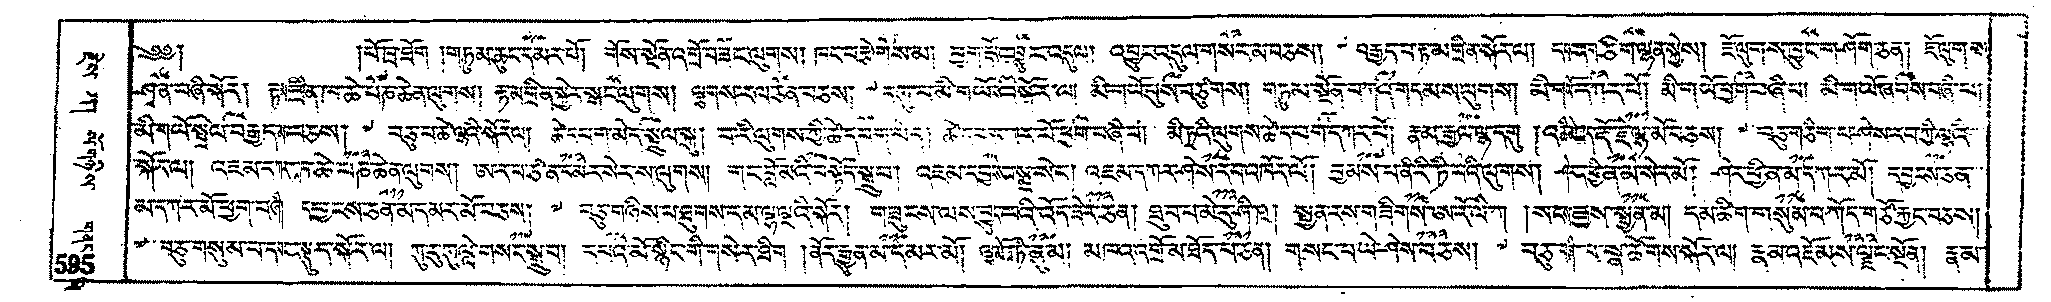༄༅། །པོ་ཁྲ་ཐོག །གཏུམ་ཆུང་དམར་པོ། གོས་སྔོན་འགྲོ་བཟང་ལུགས། ཁང་བརྩེགས་མ། ཕྱག་རྡོར་འབྱུང་འདུལ། འབྱུང་འདུལ་གསར་མ་བཅས། ༧་བརྒྱད་པ་རྟ་མགྲིན་སྐོར་ལ། དཔའ་གཅིག་ལྷན་སྐྱེས། ཇོ་ལུགས་ཁྱུང་གཤོག་ཅན། ཇོ་ལུགས་
ཤྭ་ན་བཞི་སྐོར། རྟ་མགྲིན་ཁ་ཆེ་པཎ་ཆེན་ལུགས། རྟ་མགྲིན་སྐྱེར་སྒང་ལུགས། ལྕགས་རལ་ཙེན་བཅས། ༧་དགུ་པ་མི་གཡོ་བའི་སྐོར་ལ། མི་གཡོ་པུས་བཙུགས། གཏུམ་སྔོན་བཀའ་གདམས་ལུགས། མི་གཡོ་དཀར་པོ། མི་གཡོ་ཕྱག་བཞི་པ། མི་གཡོ་ཞབས་བཞི་པ།
མི་གཡོ་སྤྲེལ་བརྒྱད་མ་བཅས། ༧བཅུ་པ་ཆེ་ལྷའི་སྐོར་ལ། ཚེ་དཔག་མེད་སྤྲུལ་སྐུ། བ་རི་ལུགས་ཀྱི་ཚེ་དཔག་མེད། ཚེ་དབང་དཀར་པོ་ཕྱག་བཞི་པ། མི་ཏྲའི་ལུགས་ཚེ་དཔག་དཀར་པོ། རྣམ་རྒྱལ་ལྷ་དགུ། འཆི་མེད་རྡོ་རྗེ་ལྷ་མོ་བཅས། ༧བཅུ་གཅིག་པ་ཤེས་རབ་ཀྱི་ལྷའི་
སྐོར་ལ། འཇམ་དཀར་ཁ་ཆེ་པཎ་ཆེན་ལུགས། ཨ་ར་པ་ཙ་ན་དམར་སེར་ས་ལུགས། གང་བློ་མའི་བསྟོད་སྒྲུབ། འཇམ་དབྱངས་སྨྲ་སེང་། འཇམ་དཀར་ཤེས་རབ་འཁོར་ལོ། བྱམས་པ་ནི་རི་ཏི་པའི་ལུགས། ཤེར་ཕྱིན་མ་སེར་མོ། ཤེར་ཕྱིན་མ་དཀར་མོ། དབྱངས་ཅན་
མ་དཀར་མོ་ཕྱག་བཞི། དབྱངས་ཅན་མ་དམར་མོ་བཅས། ༧་བཅུ་གཉིས་པ་ཐུགས་དམ་ལྷ་ལྔའི་སྐོར། གཟུངས་ལས་བྱུང་བའི་འོད་ཟེར་ཅན། ཐུབ་པ་མེ་རུ་ཤི་ཥ། སྤྱན་རས་གཟིགས་ཨ་རོ་ལི་ཀ །སངས་རྒྱས་སྤྱན་མ། དམ་ཚིག་གསུམ་བཀོད་གཙོ་རྐྱང་བཅས།
༧་བཅུ་གསུམ་པ་དབང་སྡུད་སྐོར་ལ། ཀུ་རུ་ཀུ་ལླེ་གསང་སྒྲུབ། དཔའ་མོ་སྙིང་གི་གསེར་ཐིག །ནོར་རྒྱུན་མ་དམར་མོ། ལྷ་མོ་ཏི་ནུ་མ། མཁའ་འགྲོ་མ་ཐོད་པ་ཅན། གསང་བ་ཡེ་ཤེས་བཅས། ༧་བཅུ་བཞི་པ་སྣ་ཚོགས་སྐོར་ལ། རྣམ་འཇོམས་ལྗང་སྔོན། རྣམ་